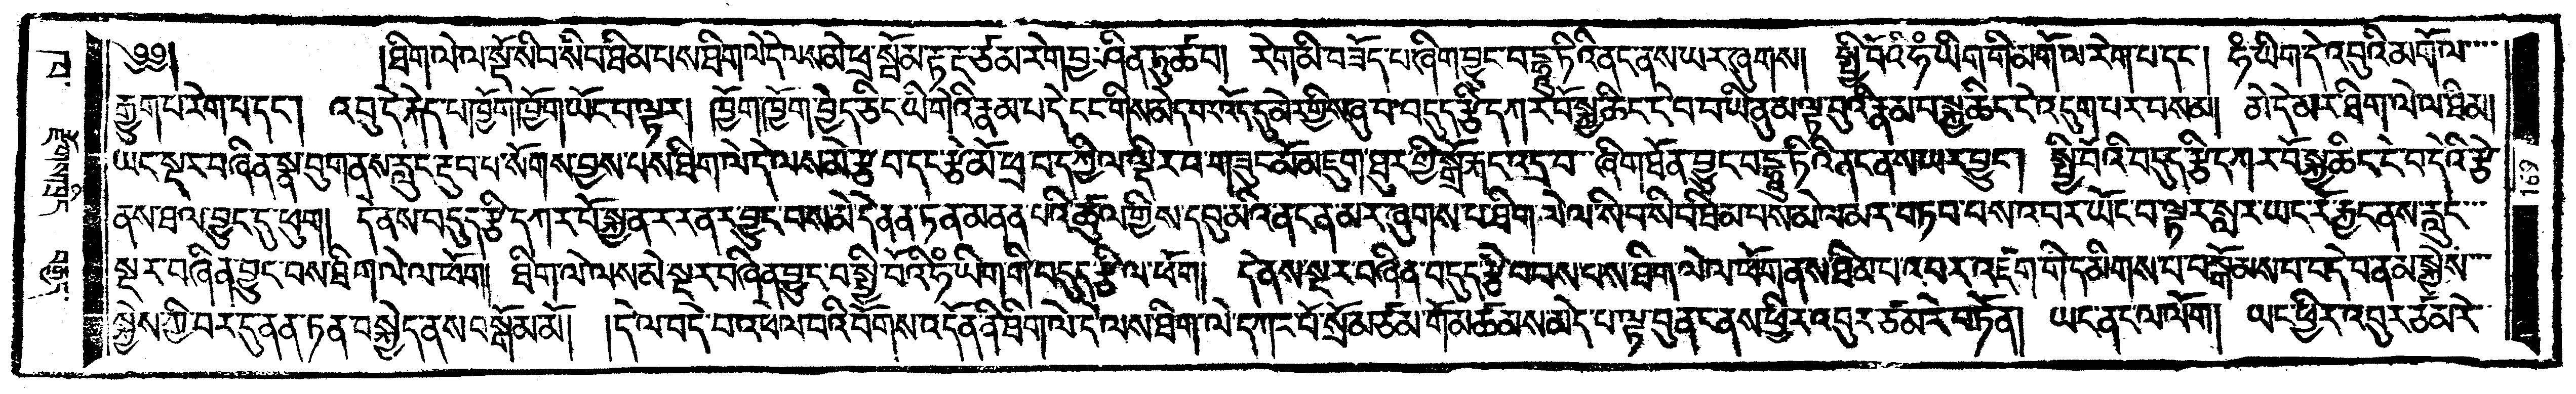༄༅། །ཐིག་ལེ་ལ་སྡོ་སིབ་སིབ་ཐིམ་པས་ཐིག་ལེ་དེ་ལས་མེ་ཕྲ་སྦོམ་རྟ་རྔ་ཙམ་རེག་བྱ་ཤིན་ཏུ་ཚ་བ། རེག་མི་བཟོད་པ་ཞིག་བྱུང་བ་དྷཱུ་ཏིའི་ནང་ནས་ཡར་ཞུགས། སྤྱི་བོའི་ཧཾ་ཡིག་གི་མགོ་ལ་རེག་པ་དང་། ཧཾ་ཡིག་དེ་འབུའི་མགོལ་
རྒྱུག་པ་རེག་པ་དང་། འབུ་དེ་རྐེད་པ་ཁྱོག་ཁྱོག་ཡོང་བ་ལྟར། ཁྱོག་ཁྱོག་བྱེད་ཅིང་ཡི་གེའི་རྣམ་པ་དེ་ངང་གིས་མེད་པར་འོད་དུ་མེར་གྱིས་ཞུ་བ་བདུད་རྩི་དཀར་པོ་སྐྱ་ཆིང་ངེ་བ་བ་ཡི་ནུམ་ལྟ་བུའི་རྣམ་པ་སྐྱ་ཆིང་ངེ་འདུག་པར་བསམ། མེ་དེ་མར་ཐིག་ལེ་ལ་ཐིམ།
ཡང་སྔར་བཞིན་སྣ་བུག་ནས་རླུང་རྡུབ་པ་སོགས་བྱས་པས་ཐིག་ལེ་དེ་ལས་མེ་རྩ་བ་དང་རྩེ་མོ་ཕྲ་བ་དཀྱིལ་ལྡིར་བ་གཟུང་མོ་མཇུག་ཐུར་གྱི་སྒྲོ་རྐང་འདྲ་བ་ཞིག་ཐོན་བྱུང་བ་དྷཱུ་ཏིའི་ནང་ནས་ཡར་བྱུང་། སྤྱི་བོའི་བདུད་རྩི་དཀར་པོ་སྐྱ་ཆིང་ངེ་བ་དེའི་རྩེ་
ནས་ཐལ་བྱུང་དུ་ཕུག། དེ་ནས་བདུད་རྩི་དཀར་པོ་སྐྱན་ར་ར་ནར་བྱུང་བས་མེ་དེ་ནན་ཏན་མནན་པའི་ཚུལ་གྱིས་དབུ་མའི་ནང་ན་མར་ཞུགས་པ་ཐིག་ལེ་ལ་སིབ་སིབ་ཐིམ་པས་མེལ་མར་བཏབ་པས་འབར་ཡོང་བ་ལྟར་སླར་ཡང་རོ་རྐྱང་ནས་རླུང་
སྔར་བཞིན་བྱུང་བས་ཐིག་ལེ་ལ་ཕོག། ཐིག་ལེ་ལས་མེ་སྔར་བཞིན་བྱུང་བ་སྤྱི་བོའི་ཧཾ་ཡིག་གི་བདུད་རྩི་ལ་ཕོག། དེ་ནས་སྔར་བཞིན་བདུད་རྩི་བབས་པས་ཐིག་ལེ་ལ་ཕོག་ནས་ཐིམ་པ་འབར་འཛག་གི་དམིགས་པ་བསྒོམས་པ་བདེ་བ་ནམ་སྐྱེས་
སྐྱེས་ཀྱི་བར་དུ་ནན་ཏན་བསྐྱེད་ནས་བསྒོམ་མོ། །དེ་ལ་བདེ་བ་འཕེལ་བའི་བོགས་འདོན་ནི་ཐིག་ལེ་དེ་ལས་ཐིག་ལེ་དཀར་པོ་སྲོམ་ཙམ་གོ་མཚམས་མེད་པ་ལྟ་བུ་ནང་ནས་ཕྱིར་འབུར་ཙམ་རེ་བཏོན། ཡང་ནང་ལ་ལོག། ཡང་ཕྱིར་འབུར་ཙམ་རེ་